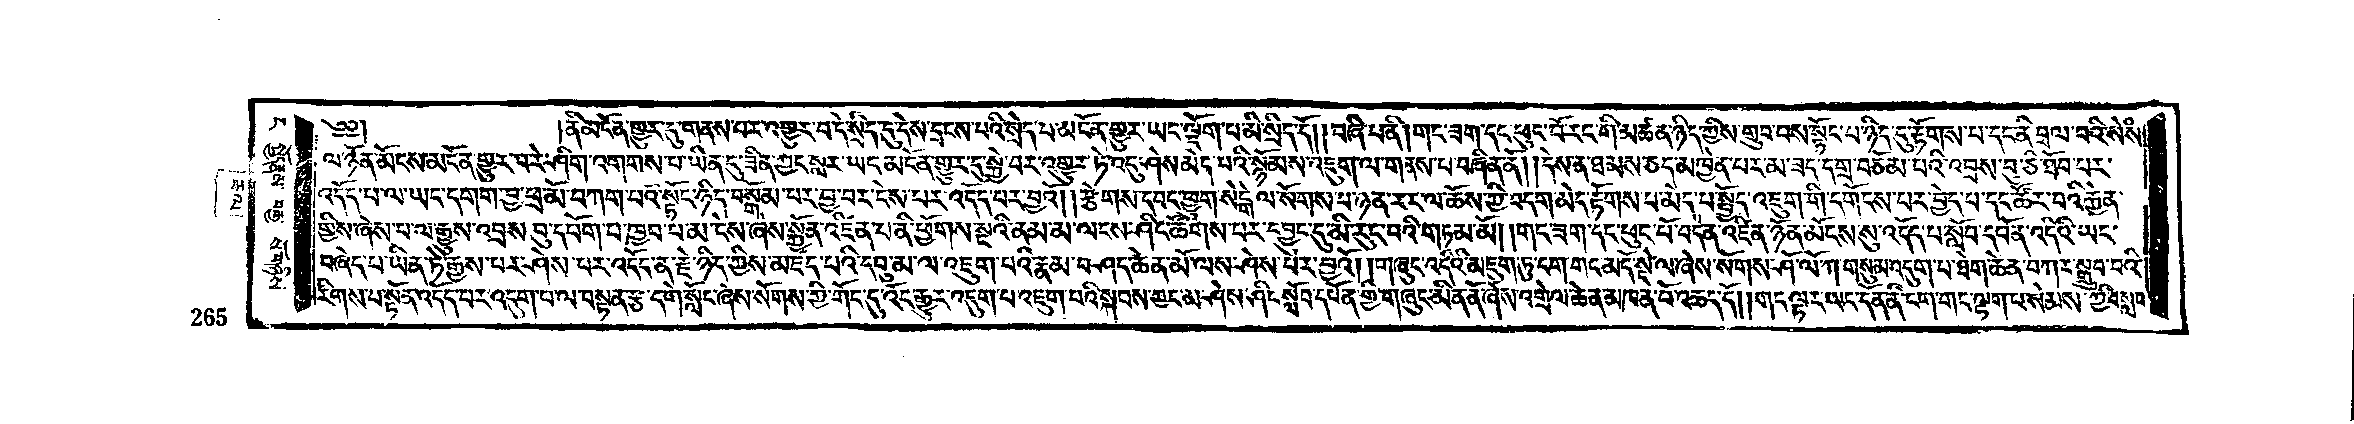༄༅། །ནི་མངོན་གྱུར་དུ་གནས་པར་འགྱུར་བ་དེ་སྲིད་དུ་དེས་དྲངས་པའི་སྲེད་པ་མངོན་གྱུར་ཡང་ལྡོག་པ་མི་སྲིད་དོ། །བཞི་པ་ནི། གང་ཟག་དང་ཕུང་པོ་རང་གི་མཚན་ཉིད་ཀྱིས་གྲུབ་པས་སྟོང་པ་ཉིད་དུ་རྟོགས་པས་དང་ནི་བྲལ་བའི་སེམས་
ལ་ཉོན་མོངས་མངོན་གྱུར་པ་རེ་ཤིག་འགགས་པ་ཡིན་དུ་ཟིན་ཀྱང་སླར་ཡང་མངོན་གྱུར་དུ་སྐྱེ་བར་འགྱུར་ཏེ་འདུ་ཤེས་མེད་པའི་སྙོམས་འཇུག་ལ་གནས་པ་བཞིན་ནོ། །དེས་ན་ཐམས་ཅད་མཁྱེན་པར་མ་ཟད་དགྲ་བཅོམ་པའི་འབྲས་བུ་ཅི་ཐོབ་པར་
འདོད་པ་ལ་ཡང་དགག་བྱ་ཕྲ་མོ་བཀག་པའི་སྟོང་ཉིད་བསྒོམ་པར་བྱ་བར་ངེས་པར་འདོད་པར་བྱའོ། །རྩེགས་དབང་ཕྱུག་སེངགེ་ལ་སོགས་པ་ཉན་རང་ལ་ཆོས་ཀྱི་བདག་མེད་རྟོགས་པ་མེད་པ་སྤྱོད་འཇུག་གི་དགོངས་པར་བྱེད་པ་དང་ཚོར་བའི་རྐྱེན་
གྱིས་ཞེས་པ་ལ་རྒྱུས་འབྲས་བུ་དཔོག་པ་ཁྱབ་པ་མ་ངེས་ཞེས་སྐྱོན་འཛིན་པ་ནི་ཕྱོགས་སྔའི་ནམ་མ་ལངས་ཤིང་ཚོགས་པར་དབྱུང་དུ་མི་རུང་བའི་གཏམ་མོ། །གང་ཟག་དང་ཕུང་པོ་བདེན་འཛིན་ཉོན་མོངས་སུ་འདོད་པ་སློབ་དཔོན་འདིའི་ཡང་
བཞེད་པ་ཡིན་ཏེ་རྒྱས་པར་ཤེས་པར་འདོད་ན་རྗེ་ཉིད་ཀྱིས་མཛད་པའི་དབུ་མ་ལ་འཇུག་པའི་རྣམ་བཤད་ཆེན་མོ་ལས་ཤེས་པར་བྱའོ། །གཞུང་འདིའི་མཇུག་ཏུ་ངག་གང་མདོ་སྡེ་ལ་ཞེས་སོགས་ཤོ་ལོ་ཀ་གསུམ་འདུག་པ་ཐེག་ཆེན་བཀར་སྒྲུབ་པའི་
རིགས་པ་སྟོན་འདོད་པར་འདུག་པ་ལ་བསྟན་རྩ་དགེ་སློང་ཞེས་སོགས་ཀྱི་གོང་དུ་འོང་རྒྱུར་འདུག་པ་འཇུག་པའི་སྐབས་ཀྱང་མ་ཤེས་ཤིང་སློབ་དཔོན་གྱི་གཞུང་མིན་ནོ་ཞེས་འགྲེལ་ཆེན་མཁན་པོ་འཆད་དོ། །གང་ལྟར་ཡང་དོན་ནི་ངག་གང་ལྷག་པ་སེམས་ཀྱི་བསླབ་